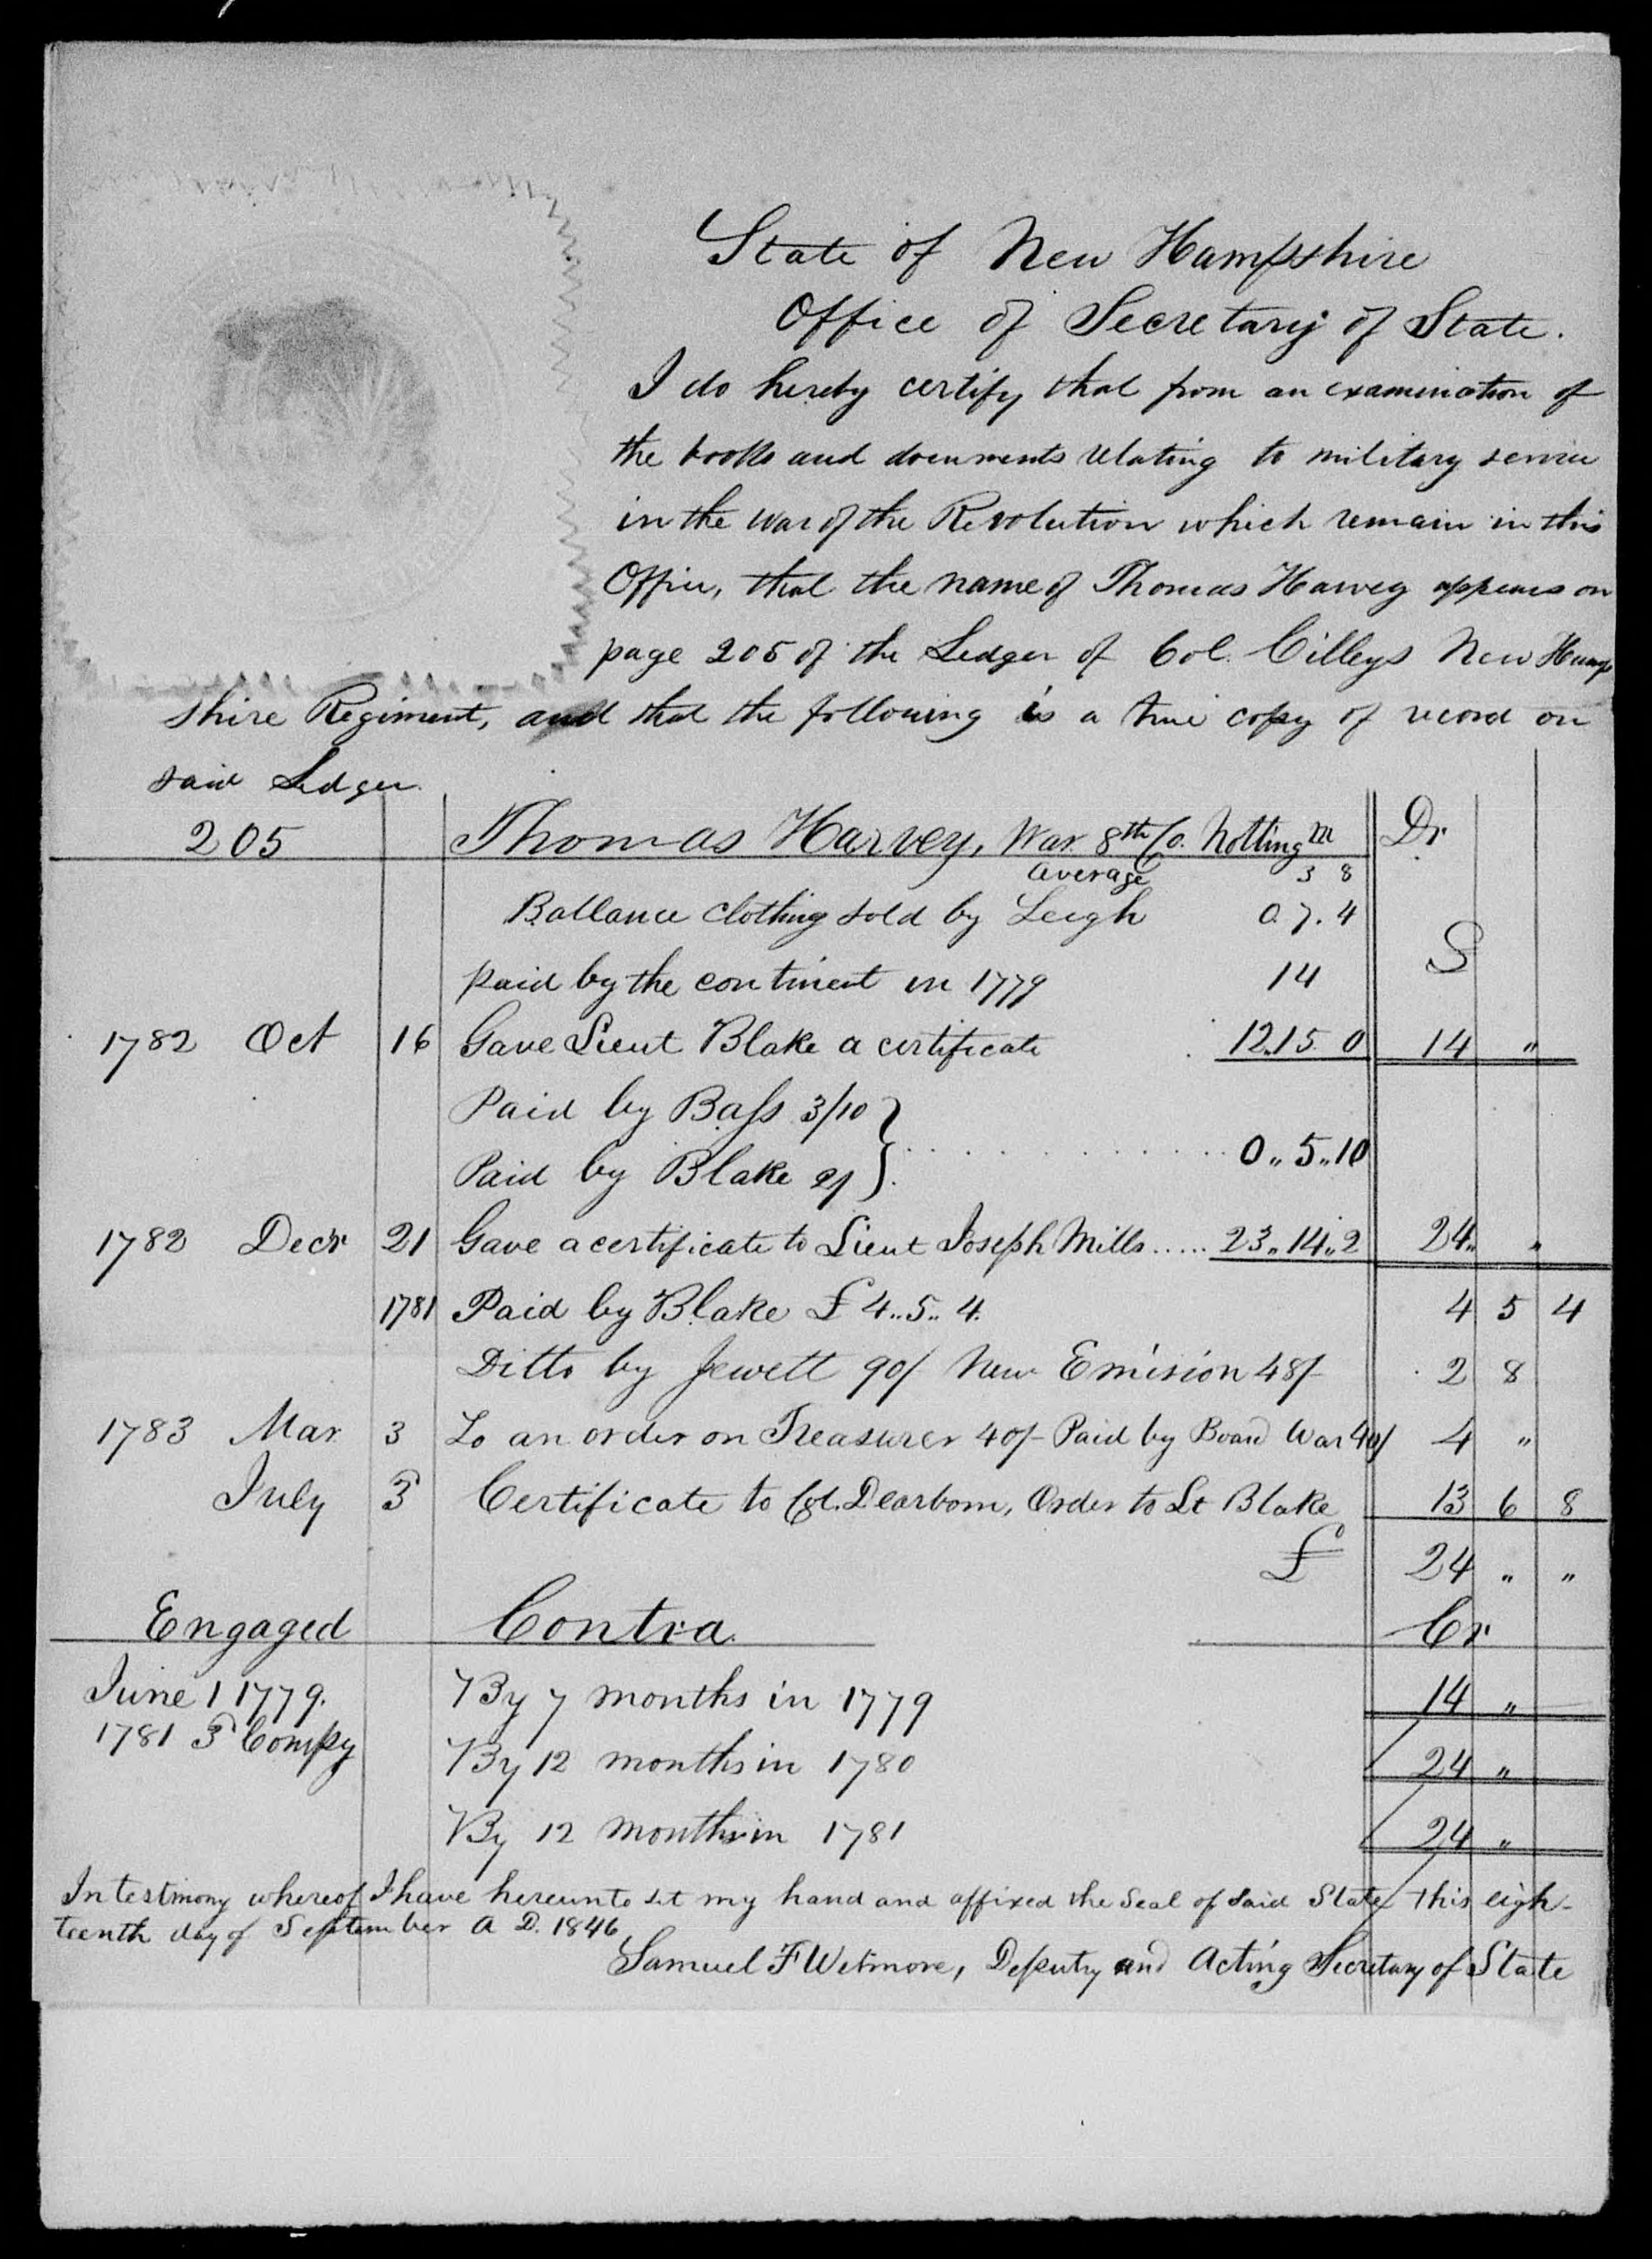State of New Hampshire
Office of Secretary of State.
[state seal] I do hereby certify that from an examination of the books and documents relating to military service in the War of the Revolution which remain in this Office, that the name of Thomas Harvey appears on page 205 of the Ledger of Col. Cilley's New Hampshire Regiment, and that the following is a true copy of record on said Ledger
[column headings: 205|[blank]|Thomas Harvey, War 8th Co. Notting'm|Dr.|[blank]|[blank]|]
[blank]|[blank]|Ballance clothing sold by Leigh 0.7.4 average 38|[blank]|[blank]|[blank]|
[blank]|[blank]|paid by the continent in 1779 14|£|[blank]|[blank]|
Oct |16|Gave Lieut Blake a certificate 12.15.0|14| " |[blank]|
[blank]|[blank]|Paid by Bass 3/10|[blank]|[blank]|[blank]|
[blank]|[blank]|Paid by Blake 2/} 0.5.10|[blank]|[blank]|[blank]|
Decr|21|Gave a certificate to Lieut Joseph Mills...23.14.2|24.|[blank]|[blank]|
[blank]|1781|Paid by Blake £4.5.4.|4|5|4|
[blank]|[blank]|Ditto by Jewett 90/ New Emision 48/|2|8|[blank]|
1783 Mar|3|To an order on Treasurer 40/-Paid by Board War 40/|4| " |[blank]|
July|3|Certificate to Col. Dearborn, Order to Lt. Blake|13|6|8|
[blank]|[blank]|£|24| " | " |
[end of columns]
[column headings: Engaged|Contra|Cr|[blank]|]
June 1 1779|By 7 months in 1779|14| " |
1781 3d Compy|By 12 months in 1780|12| " |
[blank]|By 12 months in 1781|24| " |
[end of columns]
In testimony whereof I have hereunto set my hand and affixed the Seal of said State this eighteenth day of September A.D. 1846
/s/Samuel F. Wetmore, Deputy and Acting Secretary of State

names: Thomas Harvey, Dearborn, Blake, Cilley, Joseph Mills, Blake, Blake, Blake, Samuel F Wetmore, Leigh, Thomas Harvey, Bass, Jewett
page: 49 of 80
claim: survivor's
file: S. 18008, Thomas Harvey, N.H.